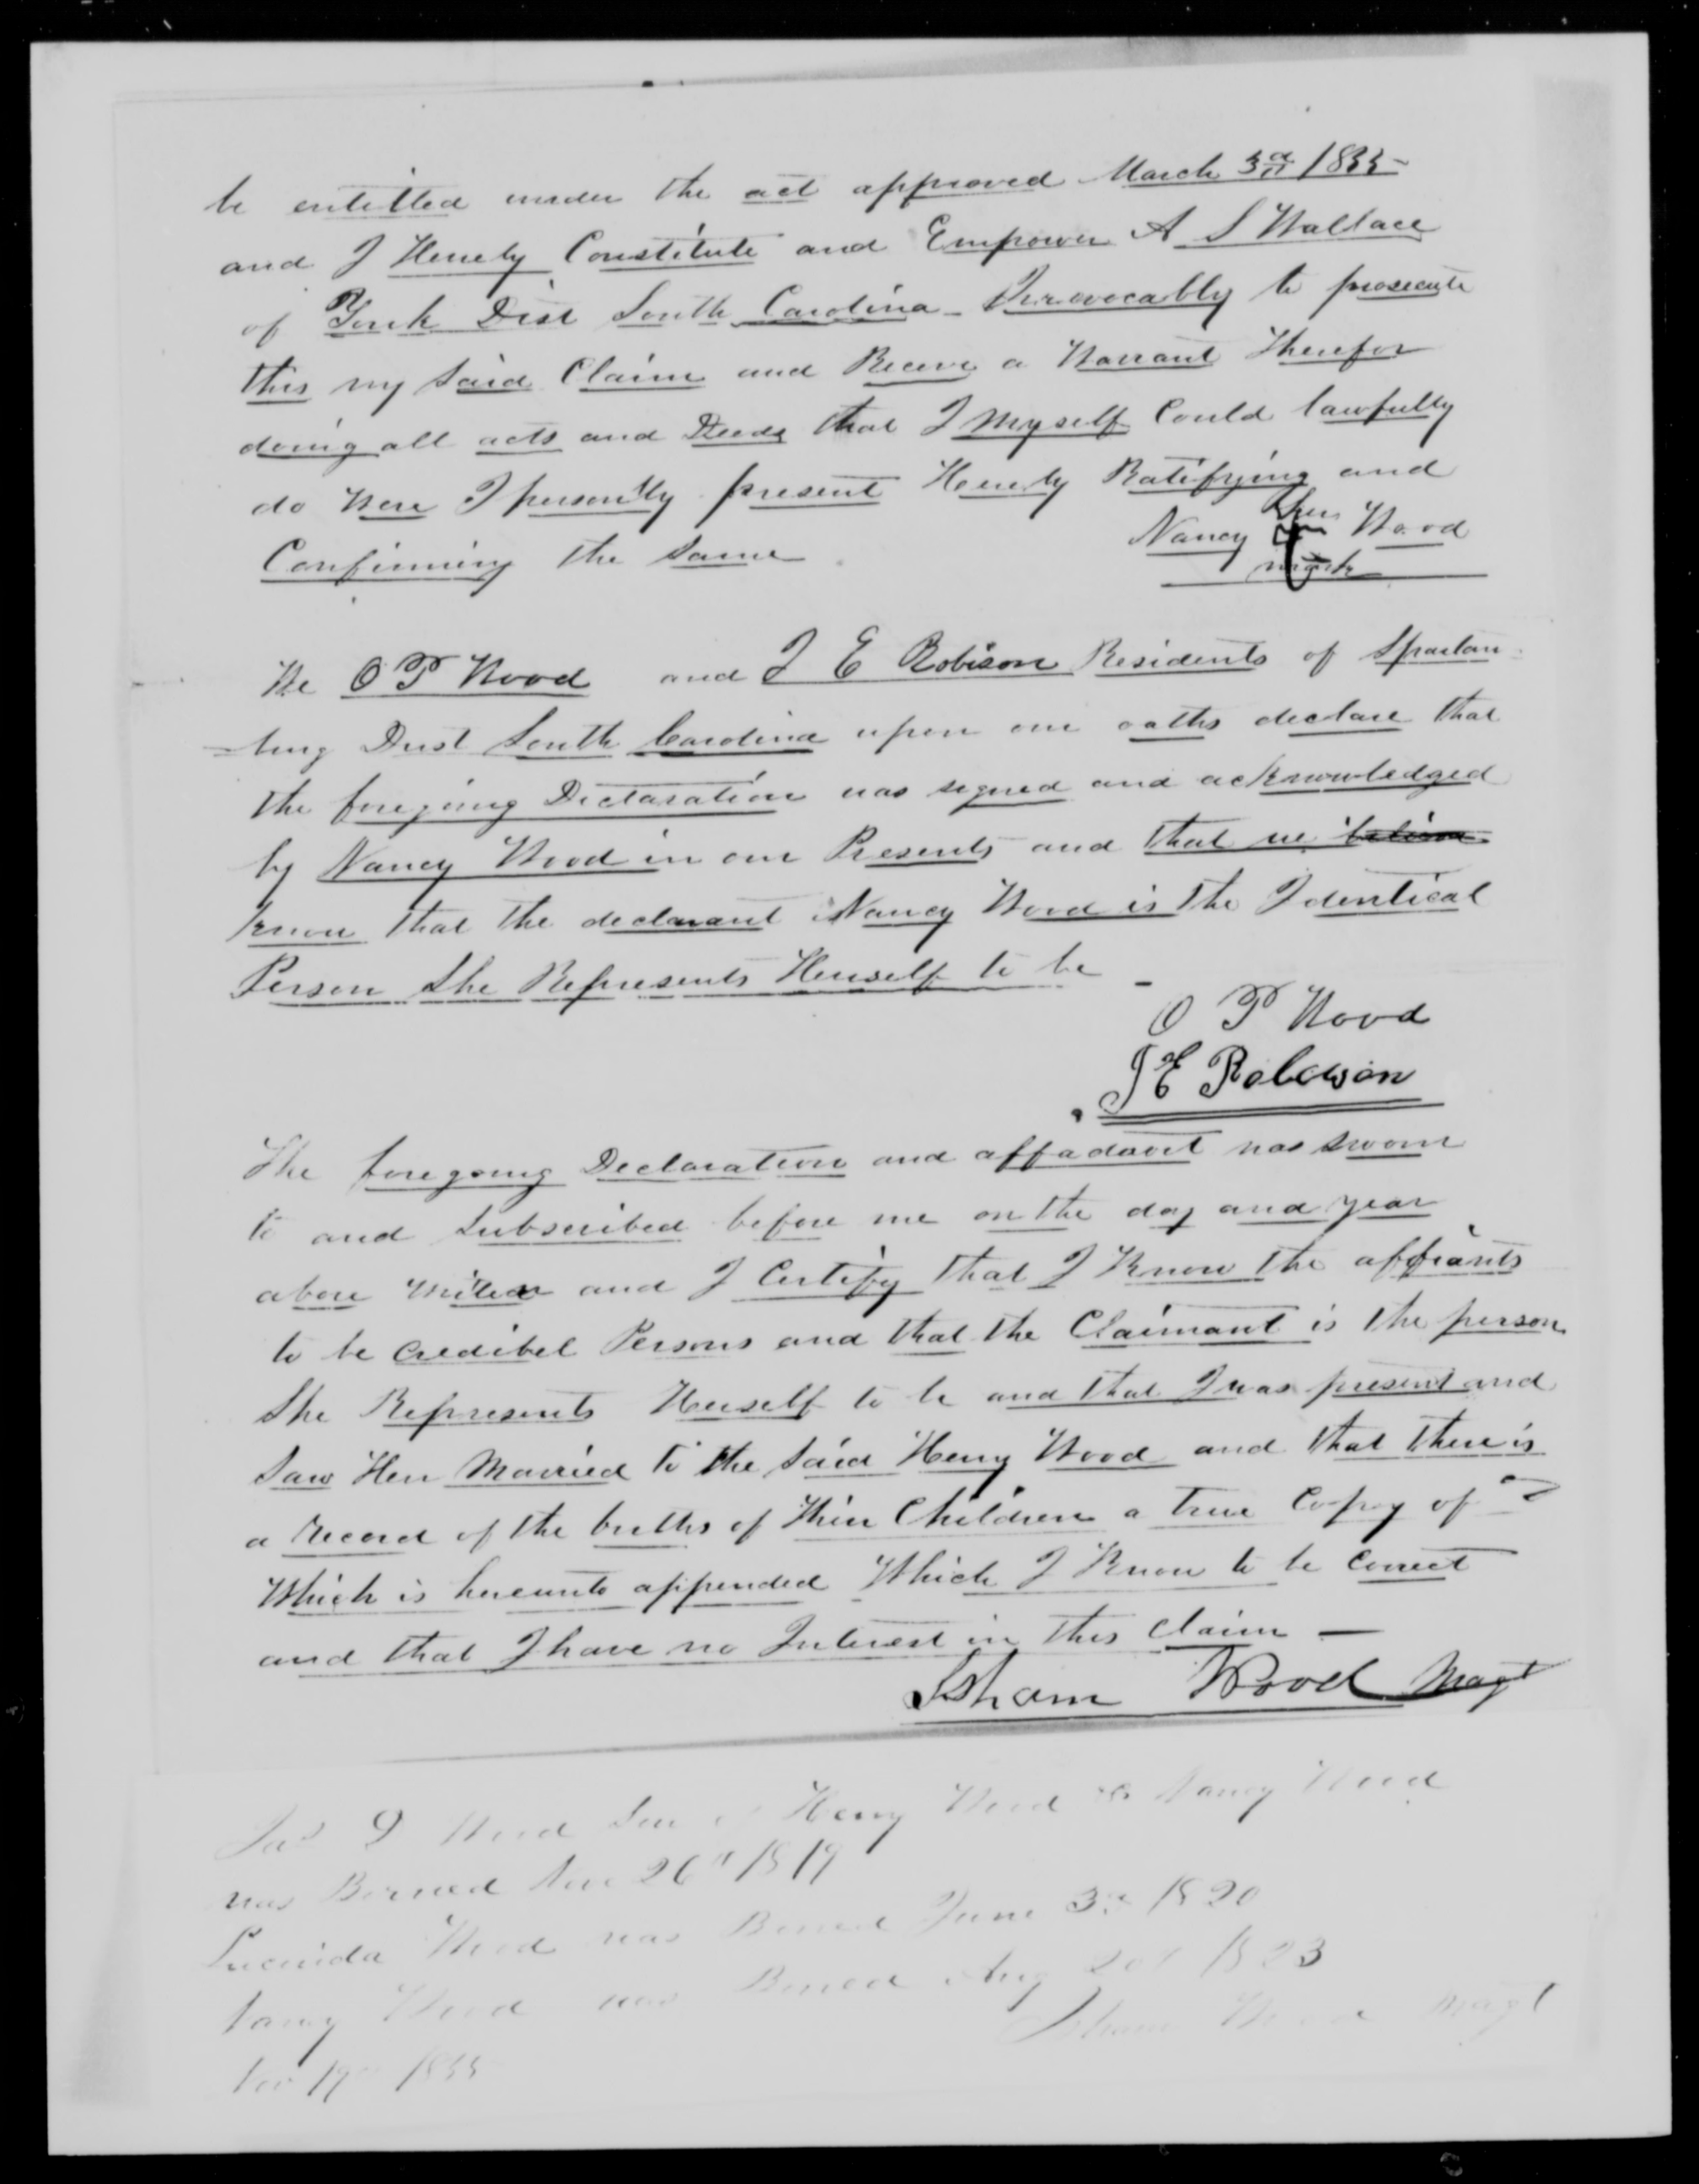be entitled under the act approved March 3rd 1855 and I hereby constitute and empower A S Wallace of [xx] Dist South Carolina irrevocably to present this my said claim and receive a warrant therefor doing all acts and deeds that I myself could lawfully do now I personally present thereby ratifying and confirming the same. Nancy her mark Wood
We O P Wood and J E Robinson residents of Spartanburg Dist South Carolina upon our oaths declare that the foregoing declaration was signed and acknowledged by Nancy Wood in our presents and that we believe know that the declarant Nancy Wood is the identical person she represents herself to be.
O P Wood
J E Robinson
The forgoing declaration and affidavit was sworn to and subscribed before me on the day and year above written and I certify that I know the affiants to be credible persons and that the claimant is the person she represents herself to be and that I was present and saw her marriage to the said Henry Wood and that there is a record of the births of their children a true copy of which is hereunto appended which I know to be correct and that I have no interest in this claim
Isham Wood Magt
James P Wood son of Henry Wood and Nancy Wood was borned Nov 26 1819
Lucinda Wood was bornedJune 3rd 1820
Nancy Wood was borned Aug 20 1823
Nov 19 1855 Isham Wood Magt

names: Isham Wood, O P Wood, Henry Wood, J E Robison, A S Wallace, Nancy Wood, Lucinda Wood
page: 4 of 40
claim: rejected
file: R. 11785, Henry Wood, N. C.